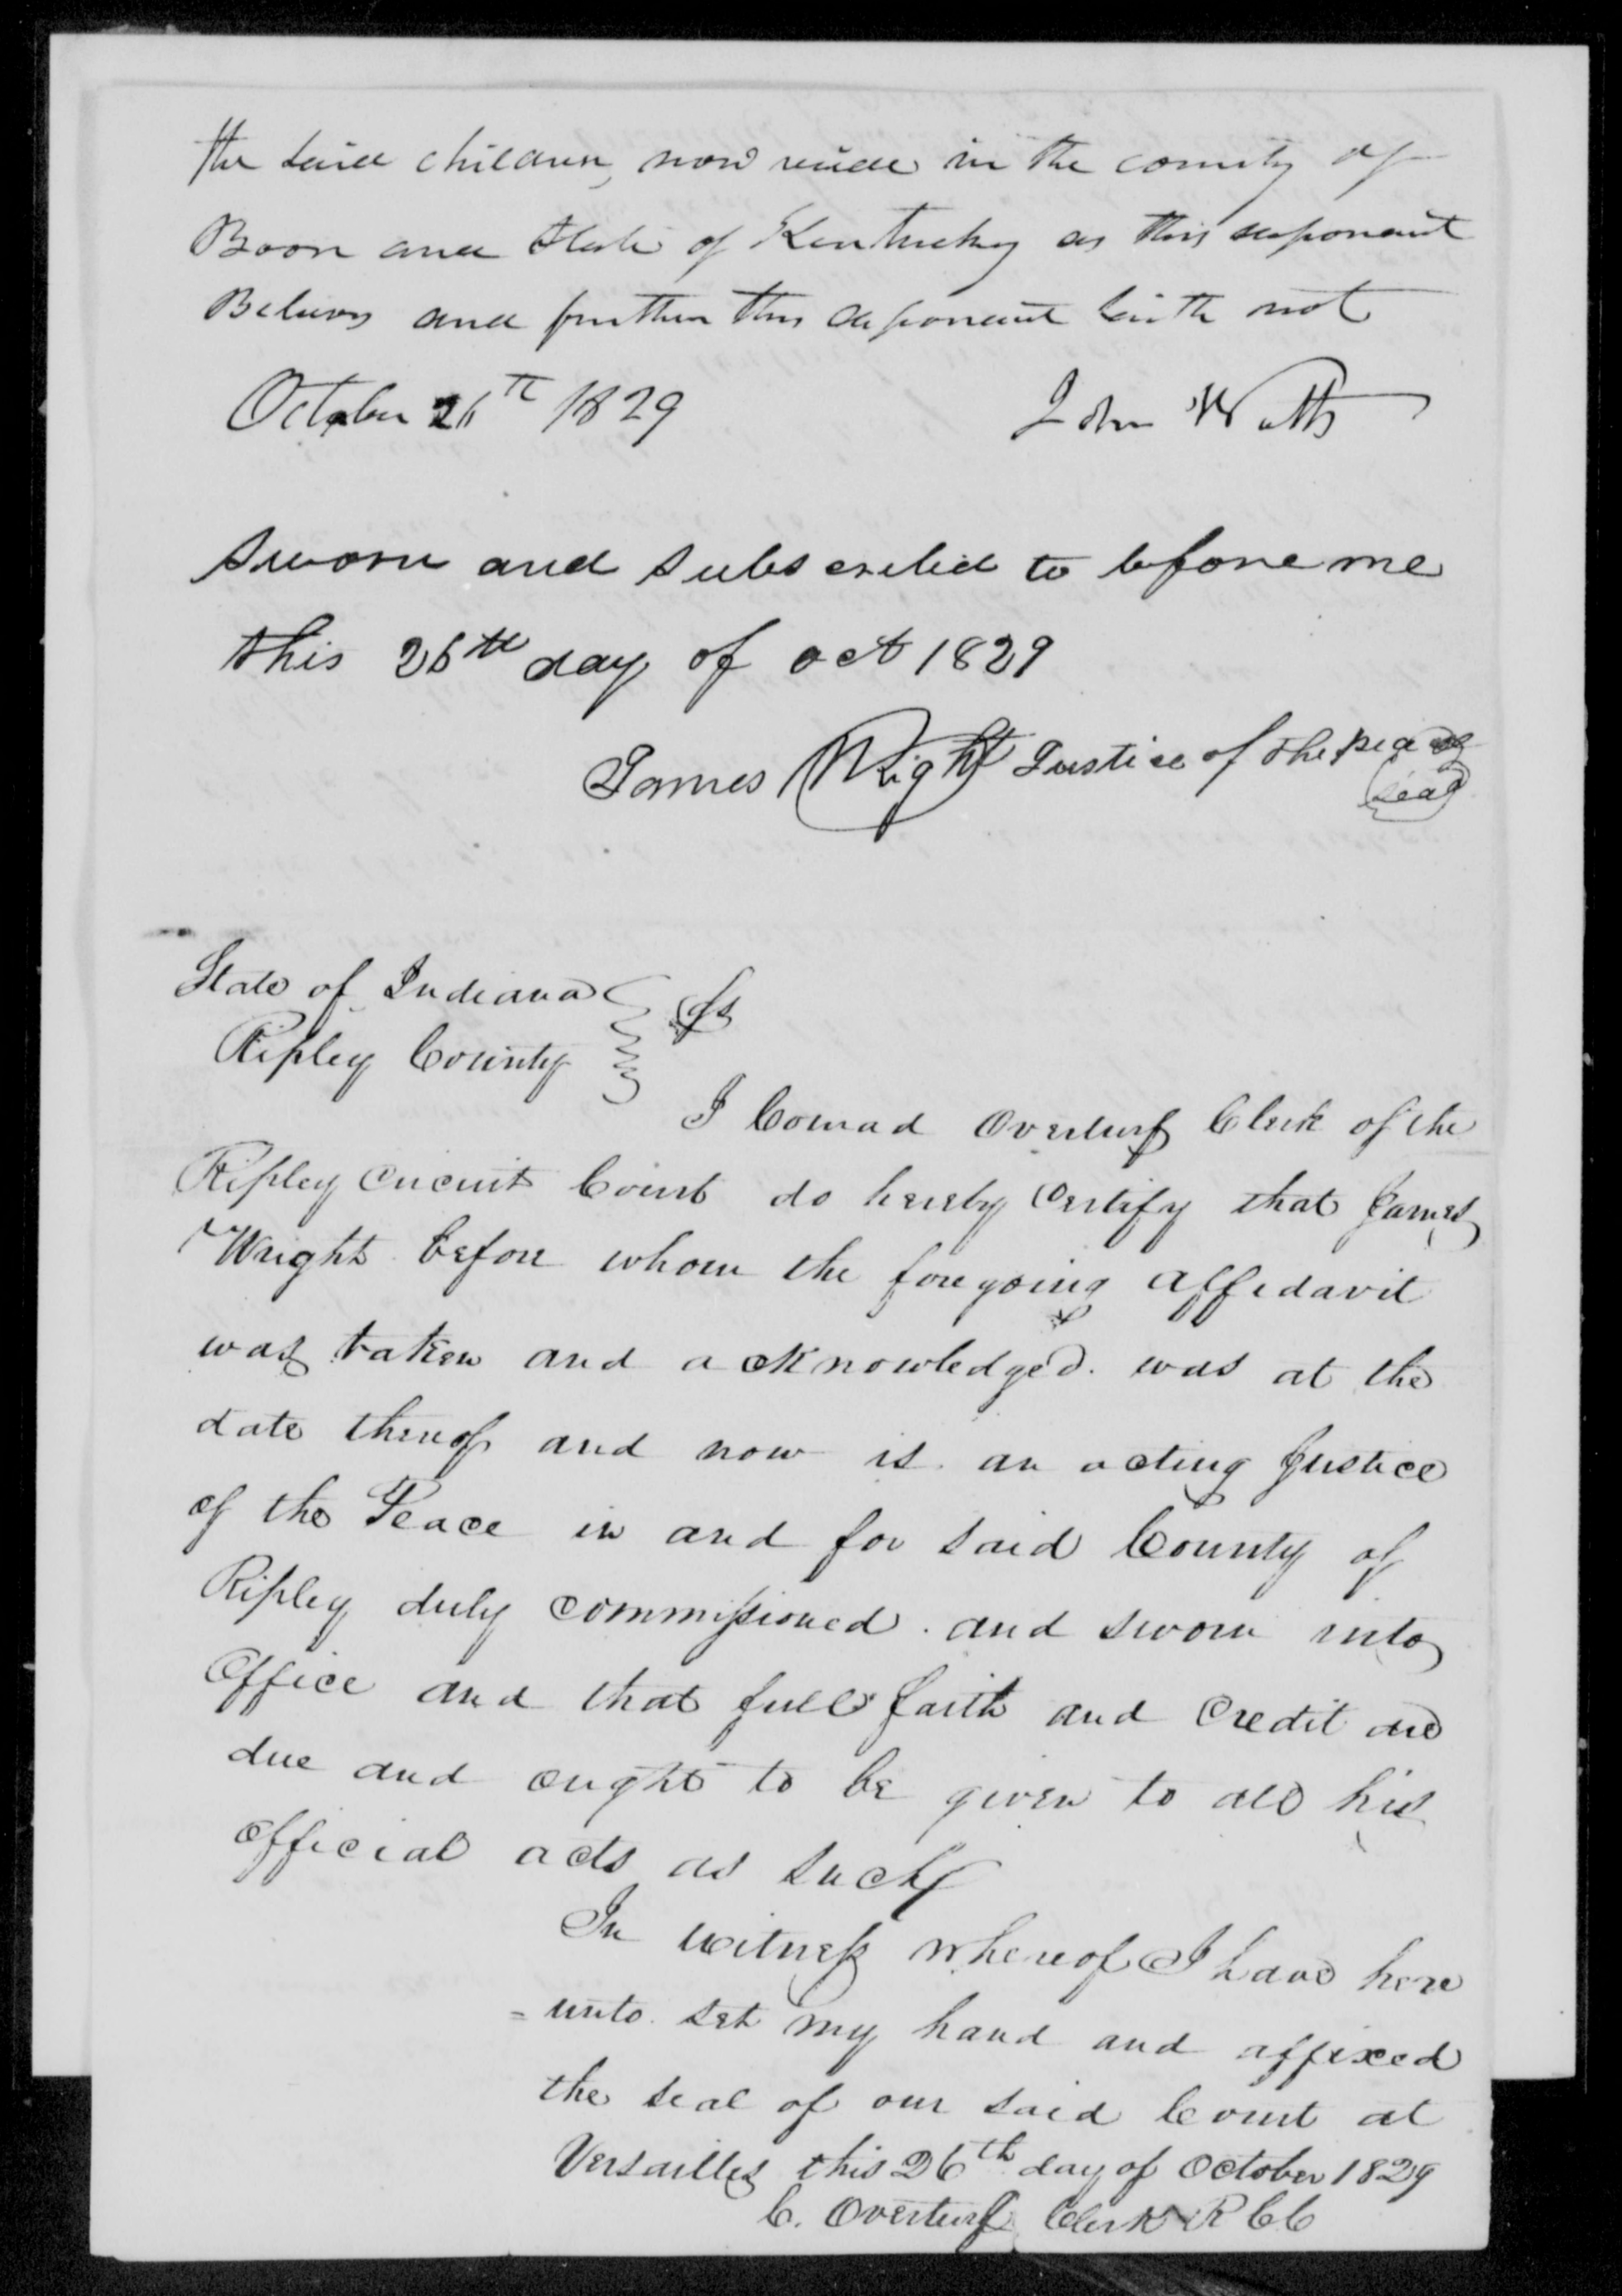the said children, now reside in the County of
Boon and State of Kentucky as this deponant
Believes and further this deponent saith not
October 26th 1829
John Watts
Sworn and subscribed to before me
this 26th day of Oct 1829
James Wright Justice of the Peace
State of Indiana)
Ripley County )ss
I Conrad Overturf Clerk of the
Ripley Circuit Court do hereby certify that James
Wright before whom the foregoing affidavit
was taken and acknowledged was at the
date thereof and now is an acting Justice
of the Peace in and for said County of
Ripley duly commissioned and sworn into
Office and that full faith and credit and
due and ought to be given to all his
official acts as such
In witness whereof I have here
unto set my hand and affixed
the seal of our said Court at
Versailles this 26th day of October 1824
C. Overture Clerk R CC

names: Conrad Overturf, James Wright, John Watts, C Overturf, James Wright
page: 5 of 51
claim: rejected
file: R. 10,921, William Vawter, Va.